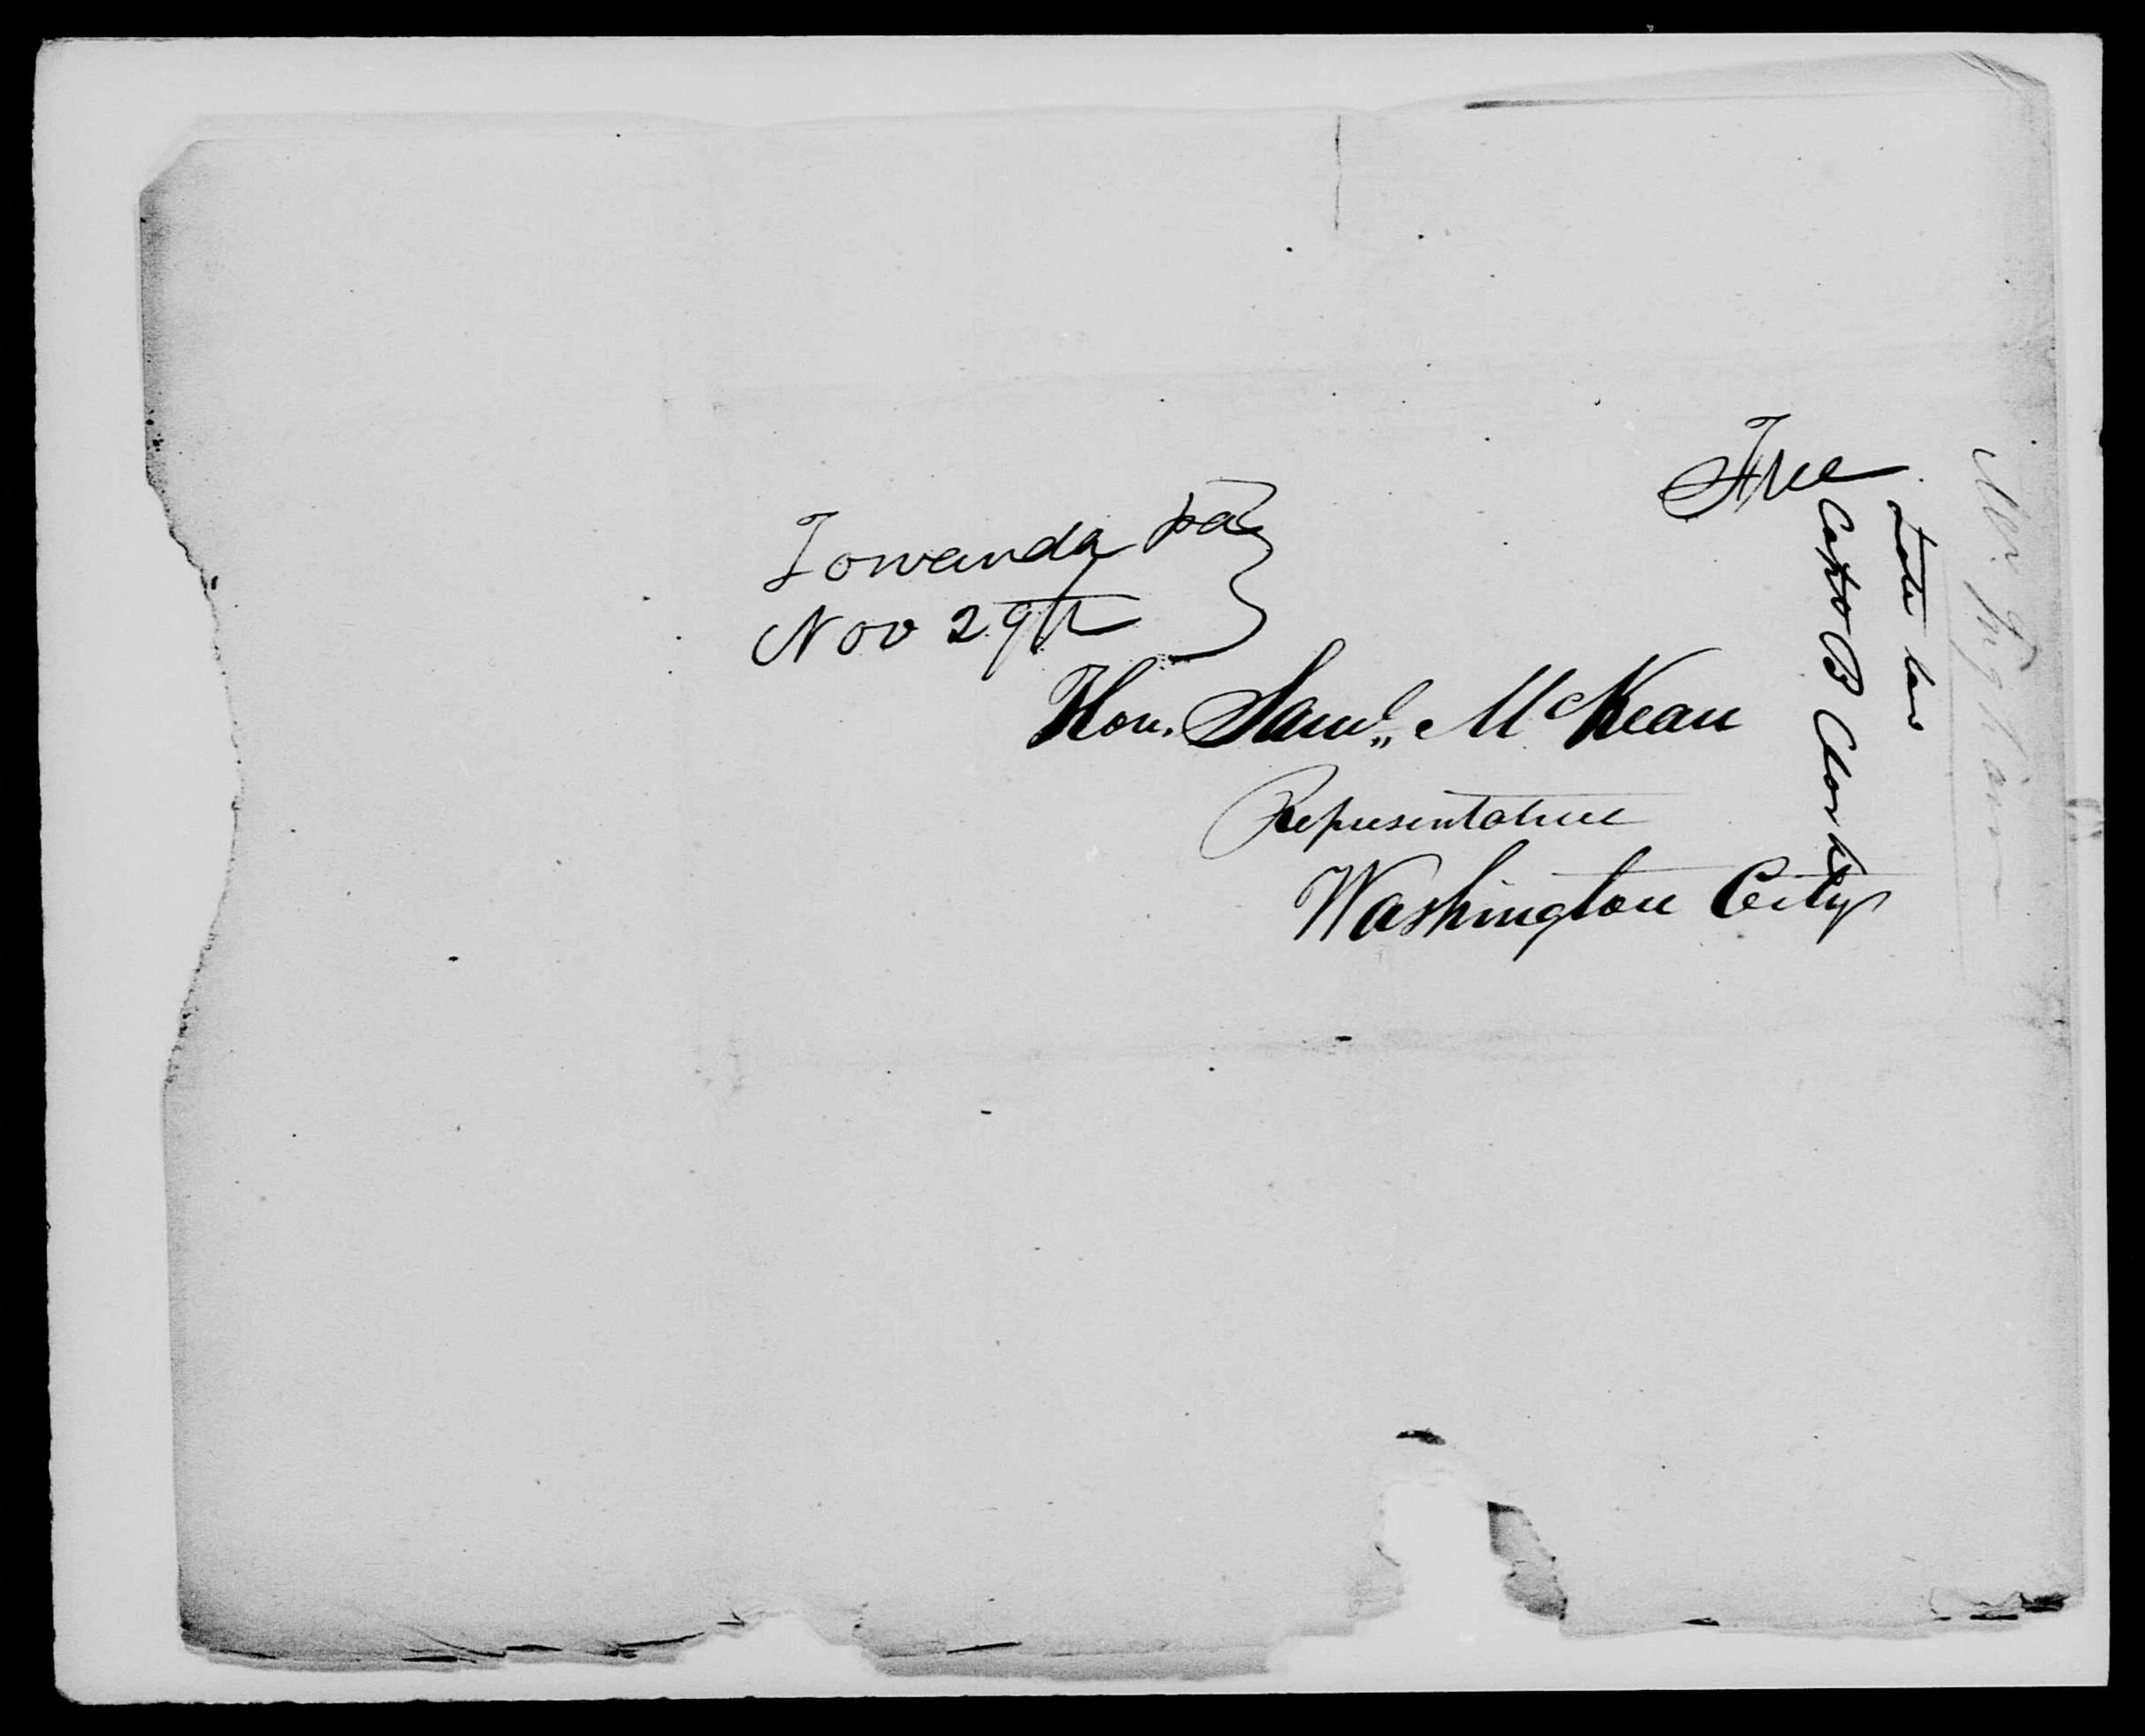Towanda, PA  Free
Nov 29th [bracket]
Hon. Saml McKean
Representative
Washington City 
[written sideways]
Mr Ingham
Capt B Clark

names: Ingham, B Clark, Saml Mc Kean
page: 20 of 25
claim: rejected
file: R. 5190, Daniel Howey, New Jersey New York